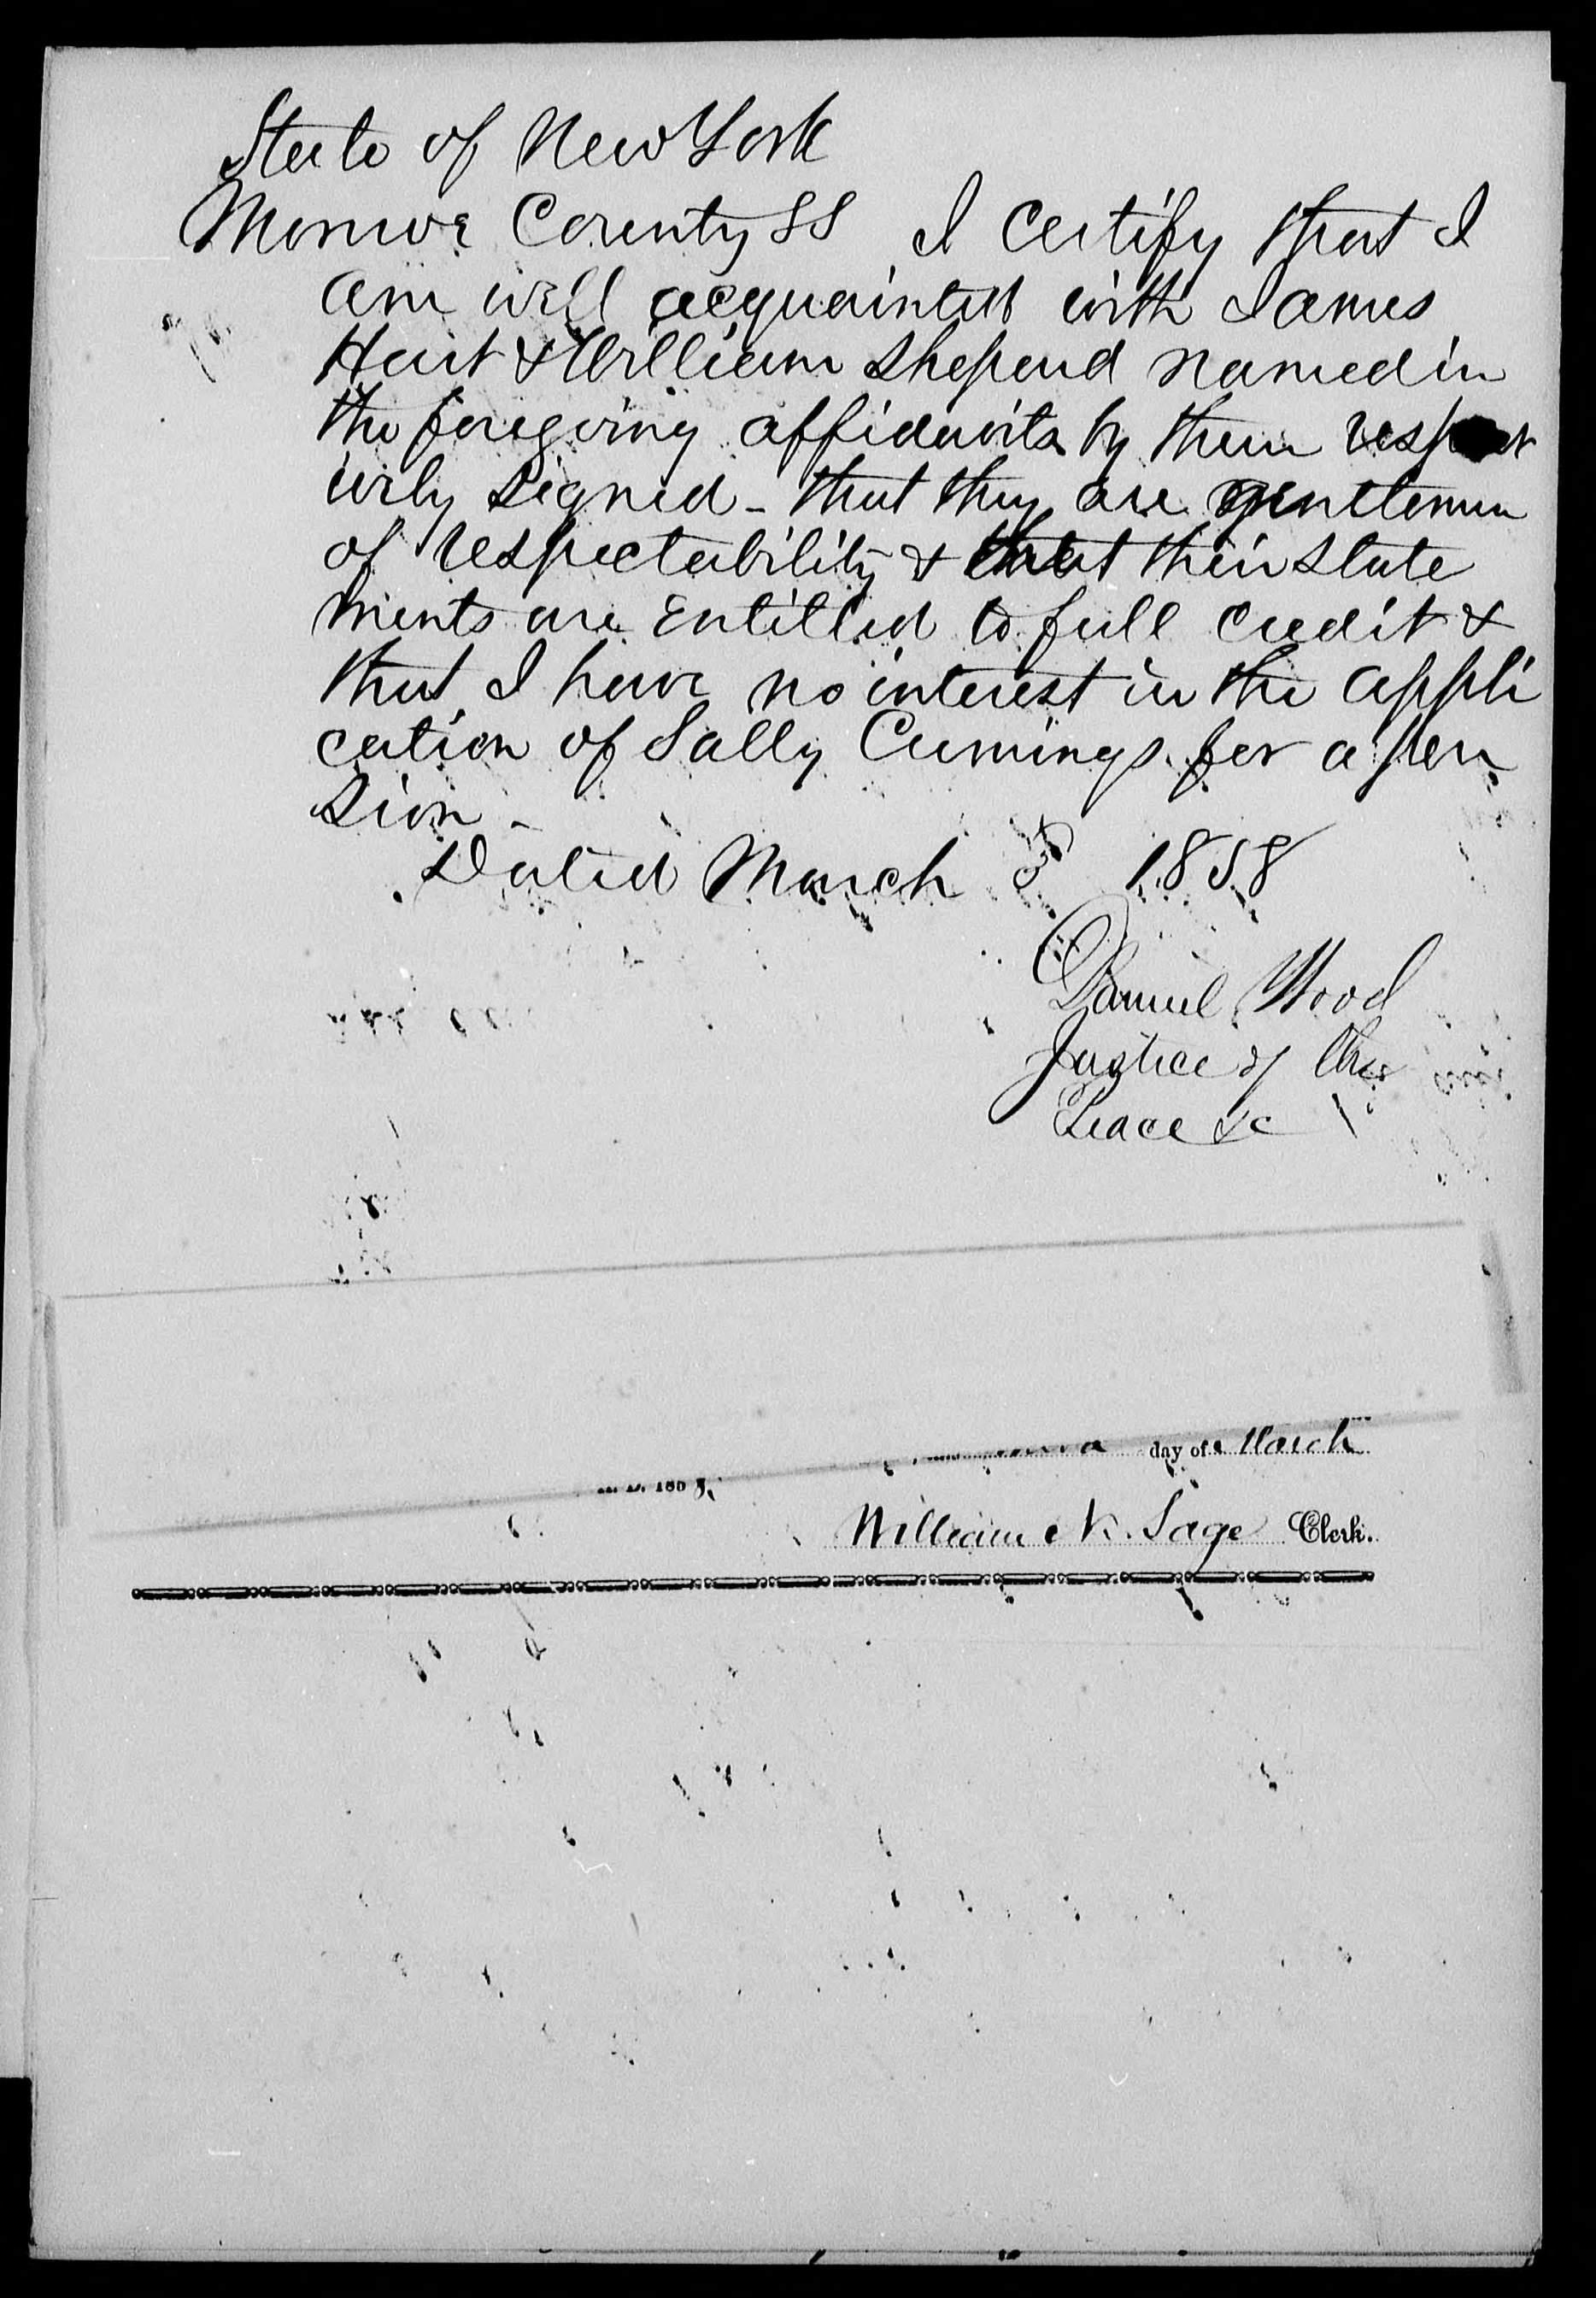State of New York
Monroe County SS
I certify that I am well
acquainted with James
Hart & William Shepard named in
the foregoing affidavits by them respectfully
signed- that their statements
 are entitled to full credit &
that I have no interest in the application
 of Sally Cumings for a pension
Dated March 3, 1858
Daniel Wood
Justice of the Peace
William N. Sage Clerk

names: James Hart, Daniel Wood, Sally Cumings, William Shepard, William N Sage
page: 40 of 41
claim: widow's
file: W. 9819, Nathaniel Cumings, Vt.